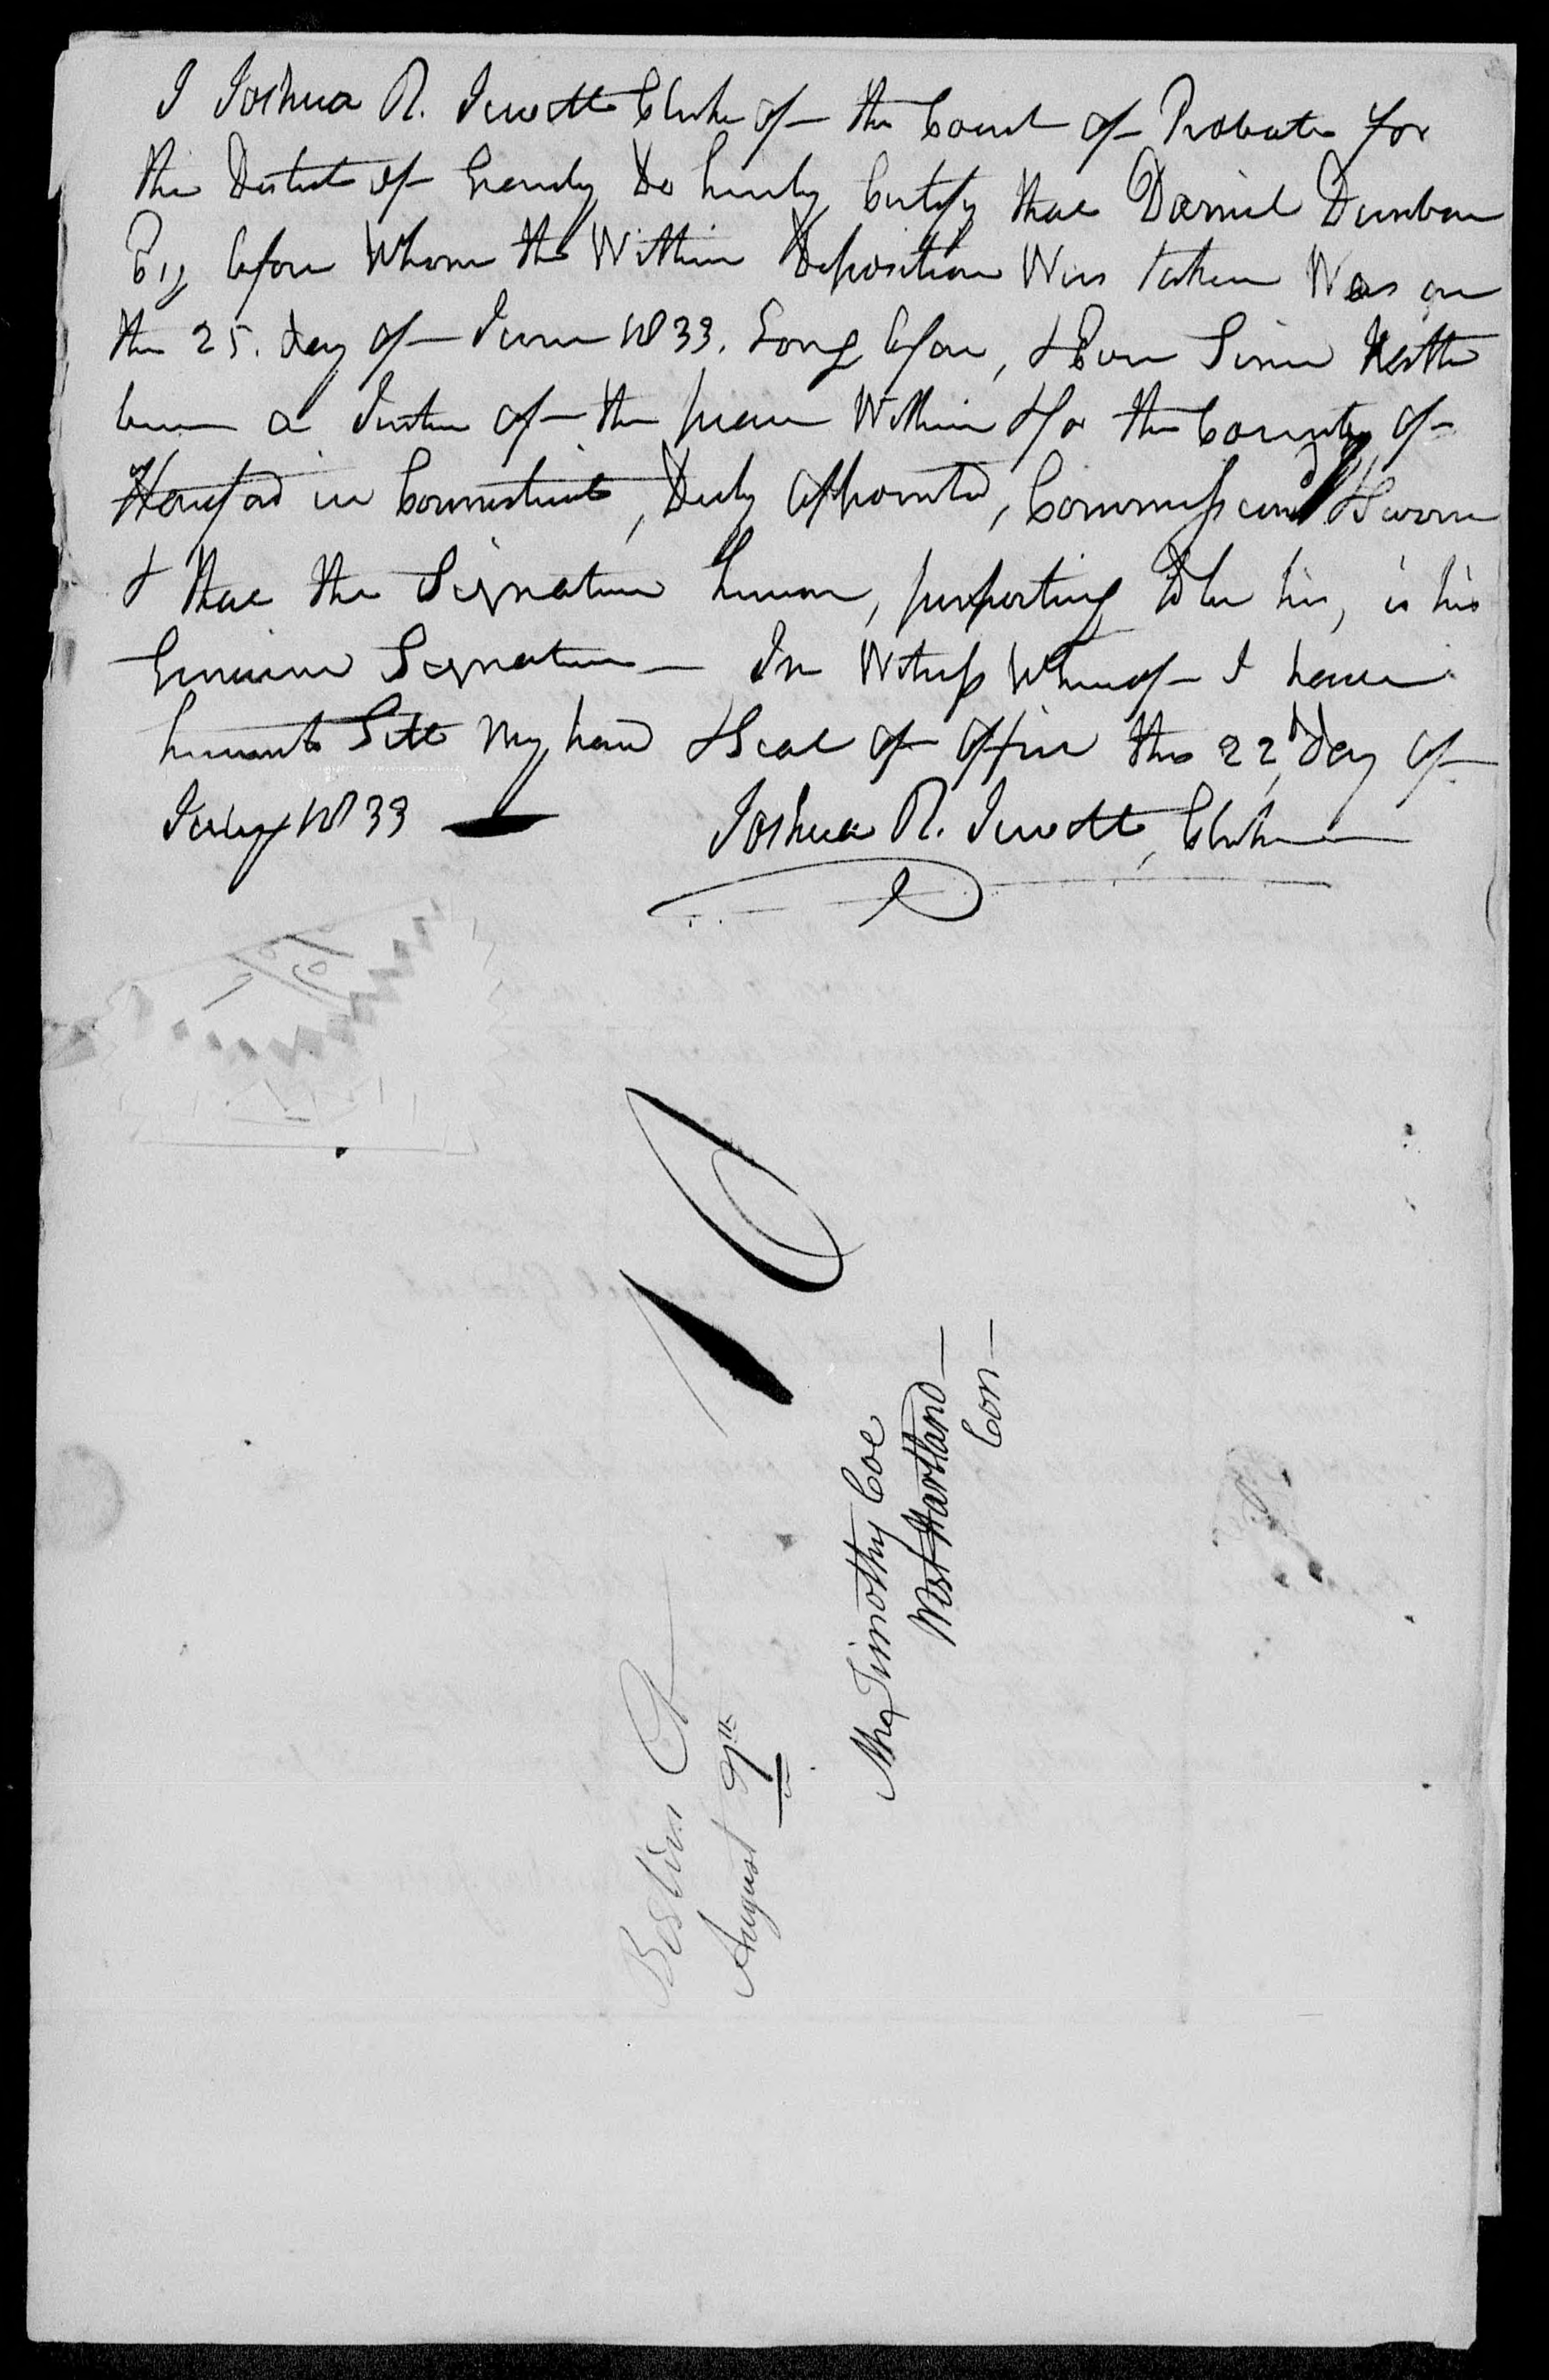I Joshua R. Jewett Clerk of the Court of Probate for the District of Granby do hereby certify that Daniel Dunbar by before whom the within deposition was taken was on the 25 day of June 1833, long before & ever since hath been a Justice of the Peace within & for the County of Hartford in Connecticut, duly appointed, commissioned and sworn & that the signature hereon purporting to be his, is his genuine signature. In witness whereof I have hereunto set my hand & seal of Office this 22 day of July 1833.
Joshua R. Jewett Clerk


Boston Ct
August 7th
Mr Timothy Coe West Hartland
Con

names: Timothy Coe, Joshua R Jewett, Daniel Dunbar, Joshua R Jewett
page: 56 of 76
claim: widow's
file: W. 5,250, Timothy Coe, Conn.